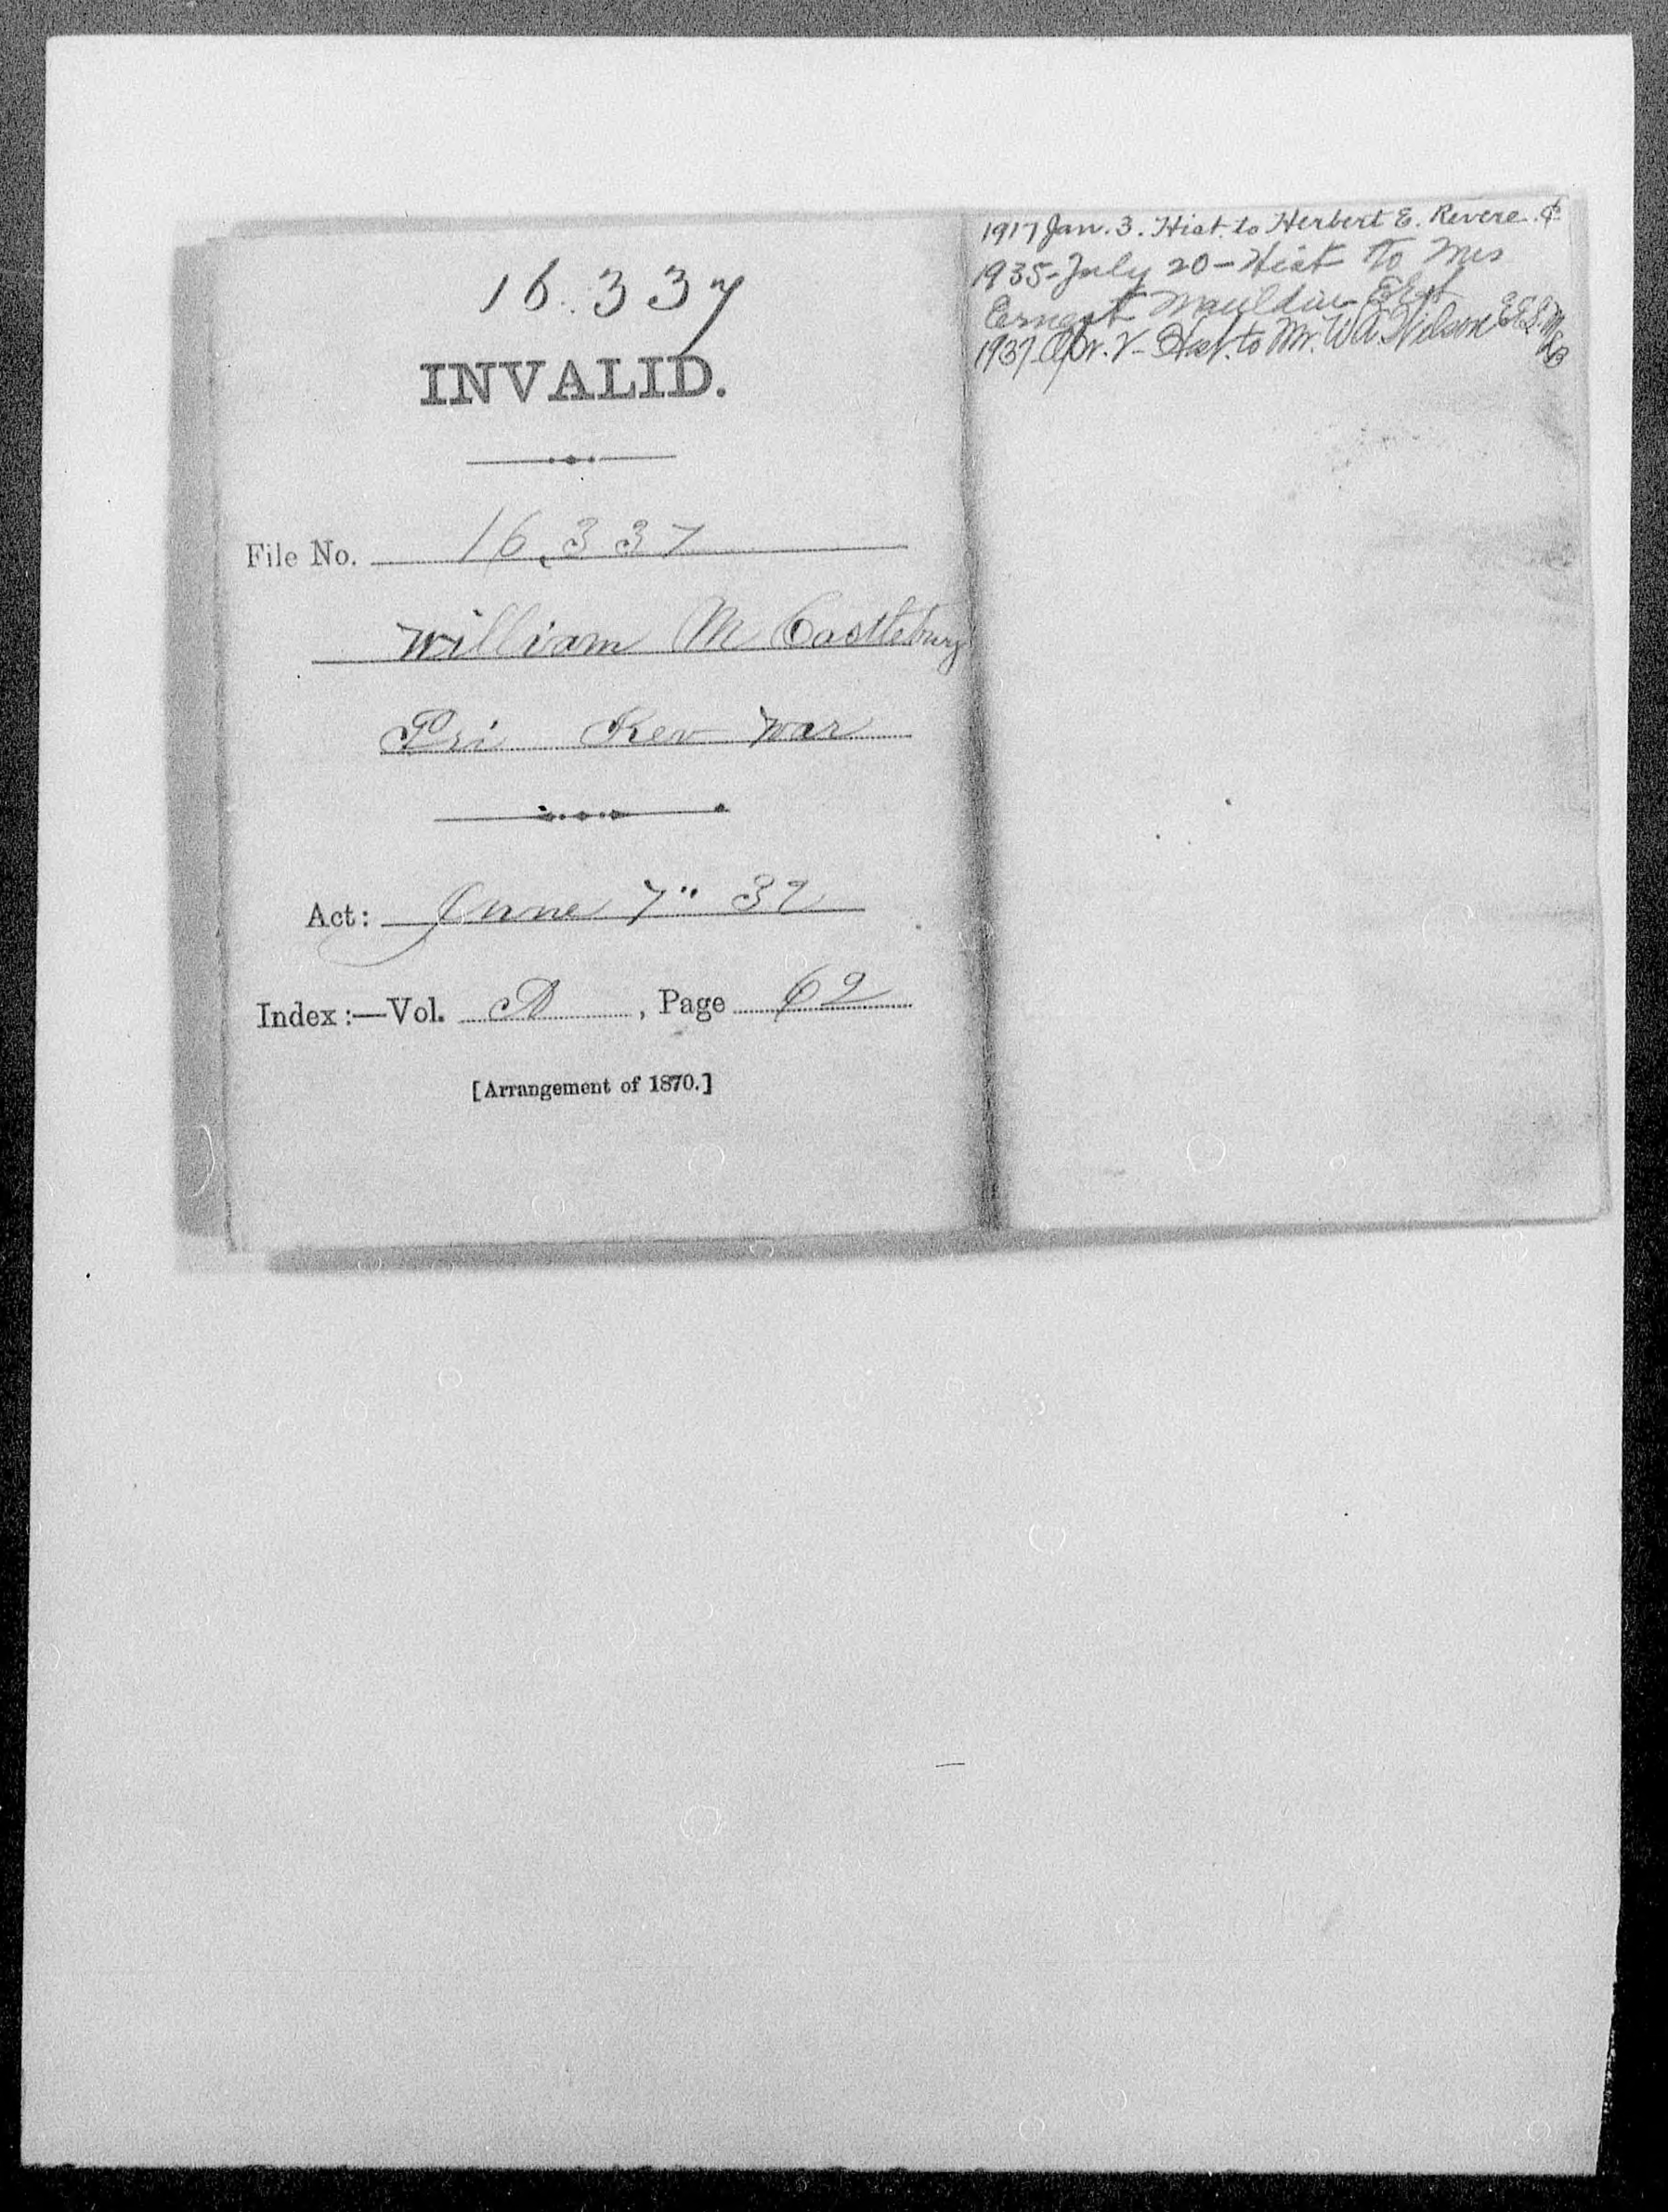[Left side]
16337
INVALID.
William M Castleberry
Pri Rev War
Act: June 7th 32
Index:--Vol. A, Page 62
[Arrangement of 1870.]

[Right side]
1917 Jan. 3. Hist to Hervert E. Revere. &c
1935 - July 20 - Hist to Mrs Ernest Mauldin EES
1937 Apr 2 - Hist. to Mr.W A. Wilson EES. MSB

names: Ernest Mouldin, Herbert E Revere, William M Castlebury, W A Wilson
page: 11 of 20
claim: survivor's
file: S. 16,337, William M Castleberry, Ga.